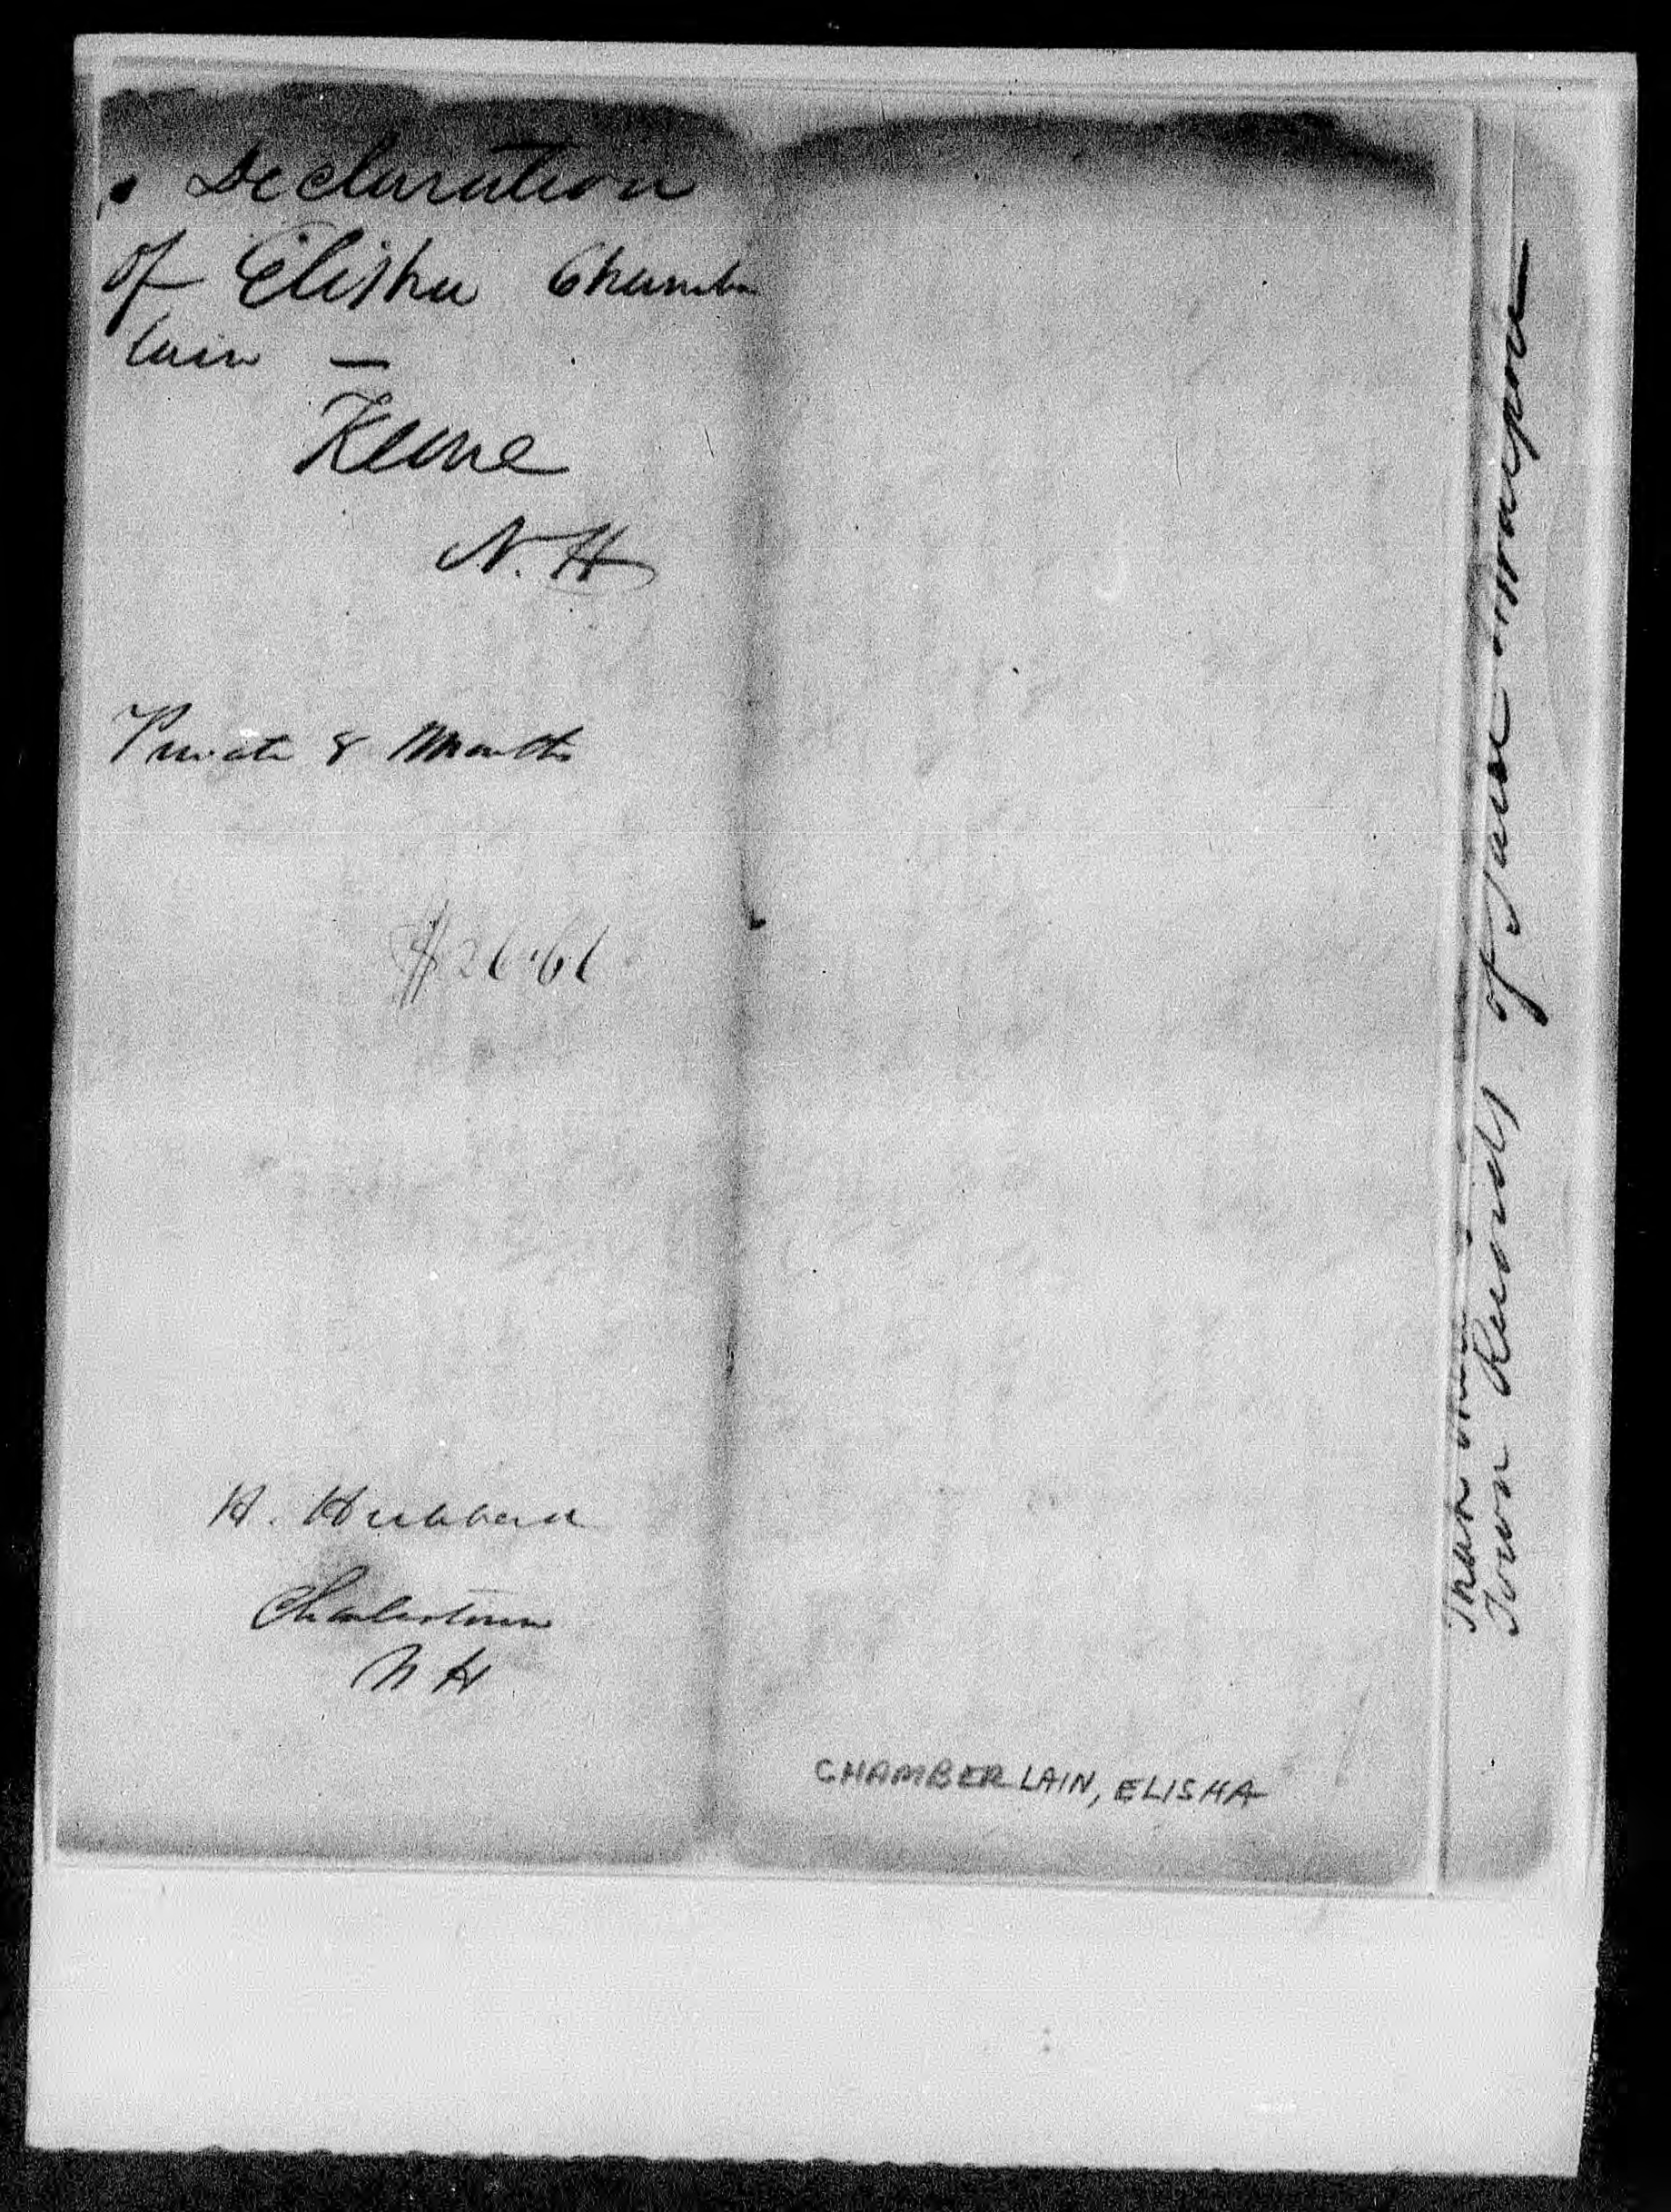Declaration
of Elisha Chamberlain--

Keane
N.H.

Private 8 Months

$26.66


H. Hubbard
Chamberlain
NH

CHAMBERLAIN, ELISHA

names: Elisha Chamberlain, Elisha Chamberlain, H Hubberd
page: 2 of 24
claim: rejected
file: R. 1835, Elisha Chamberlain, Mass.